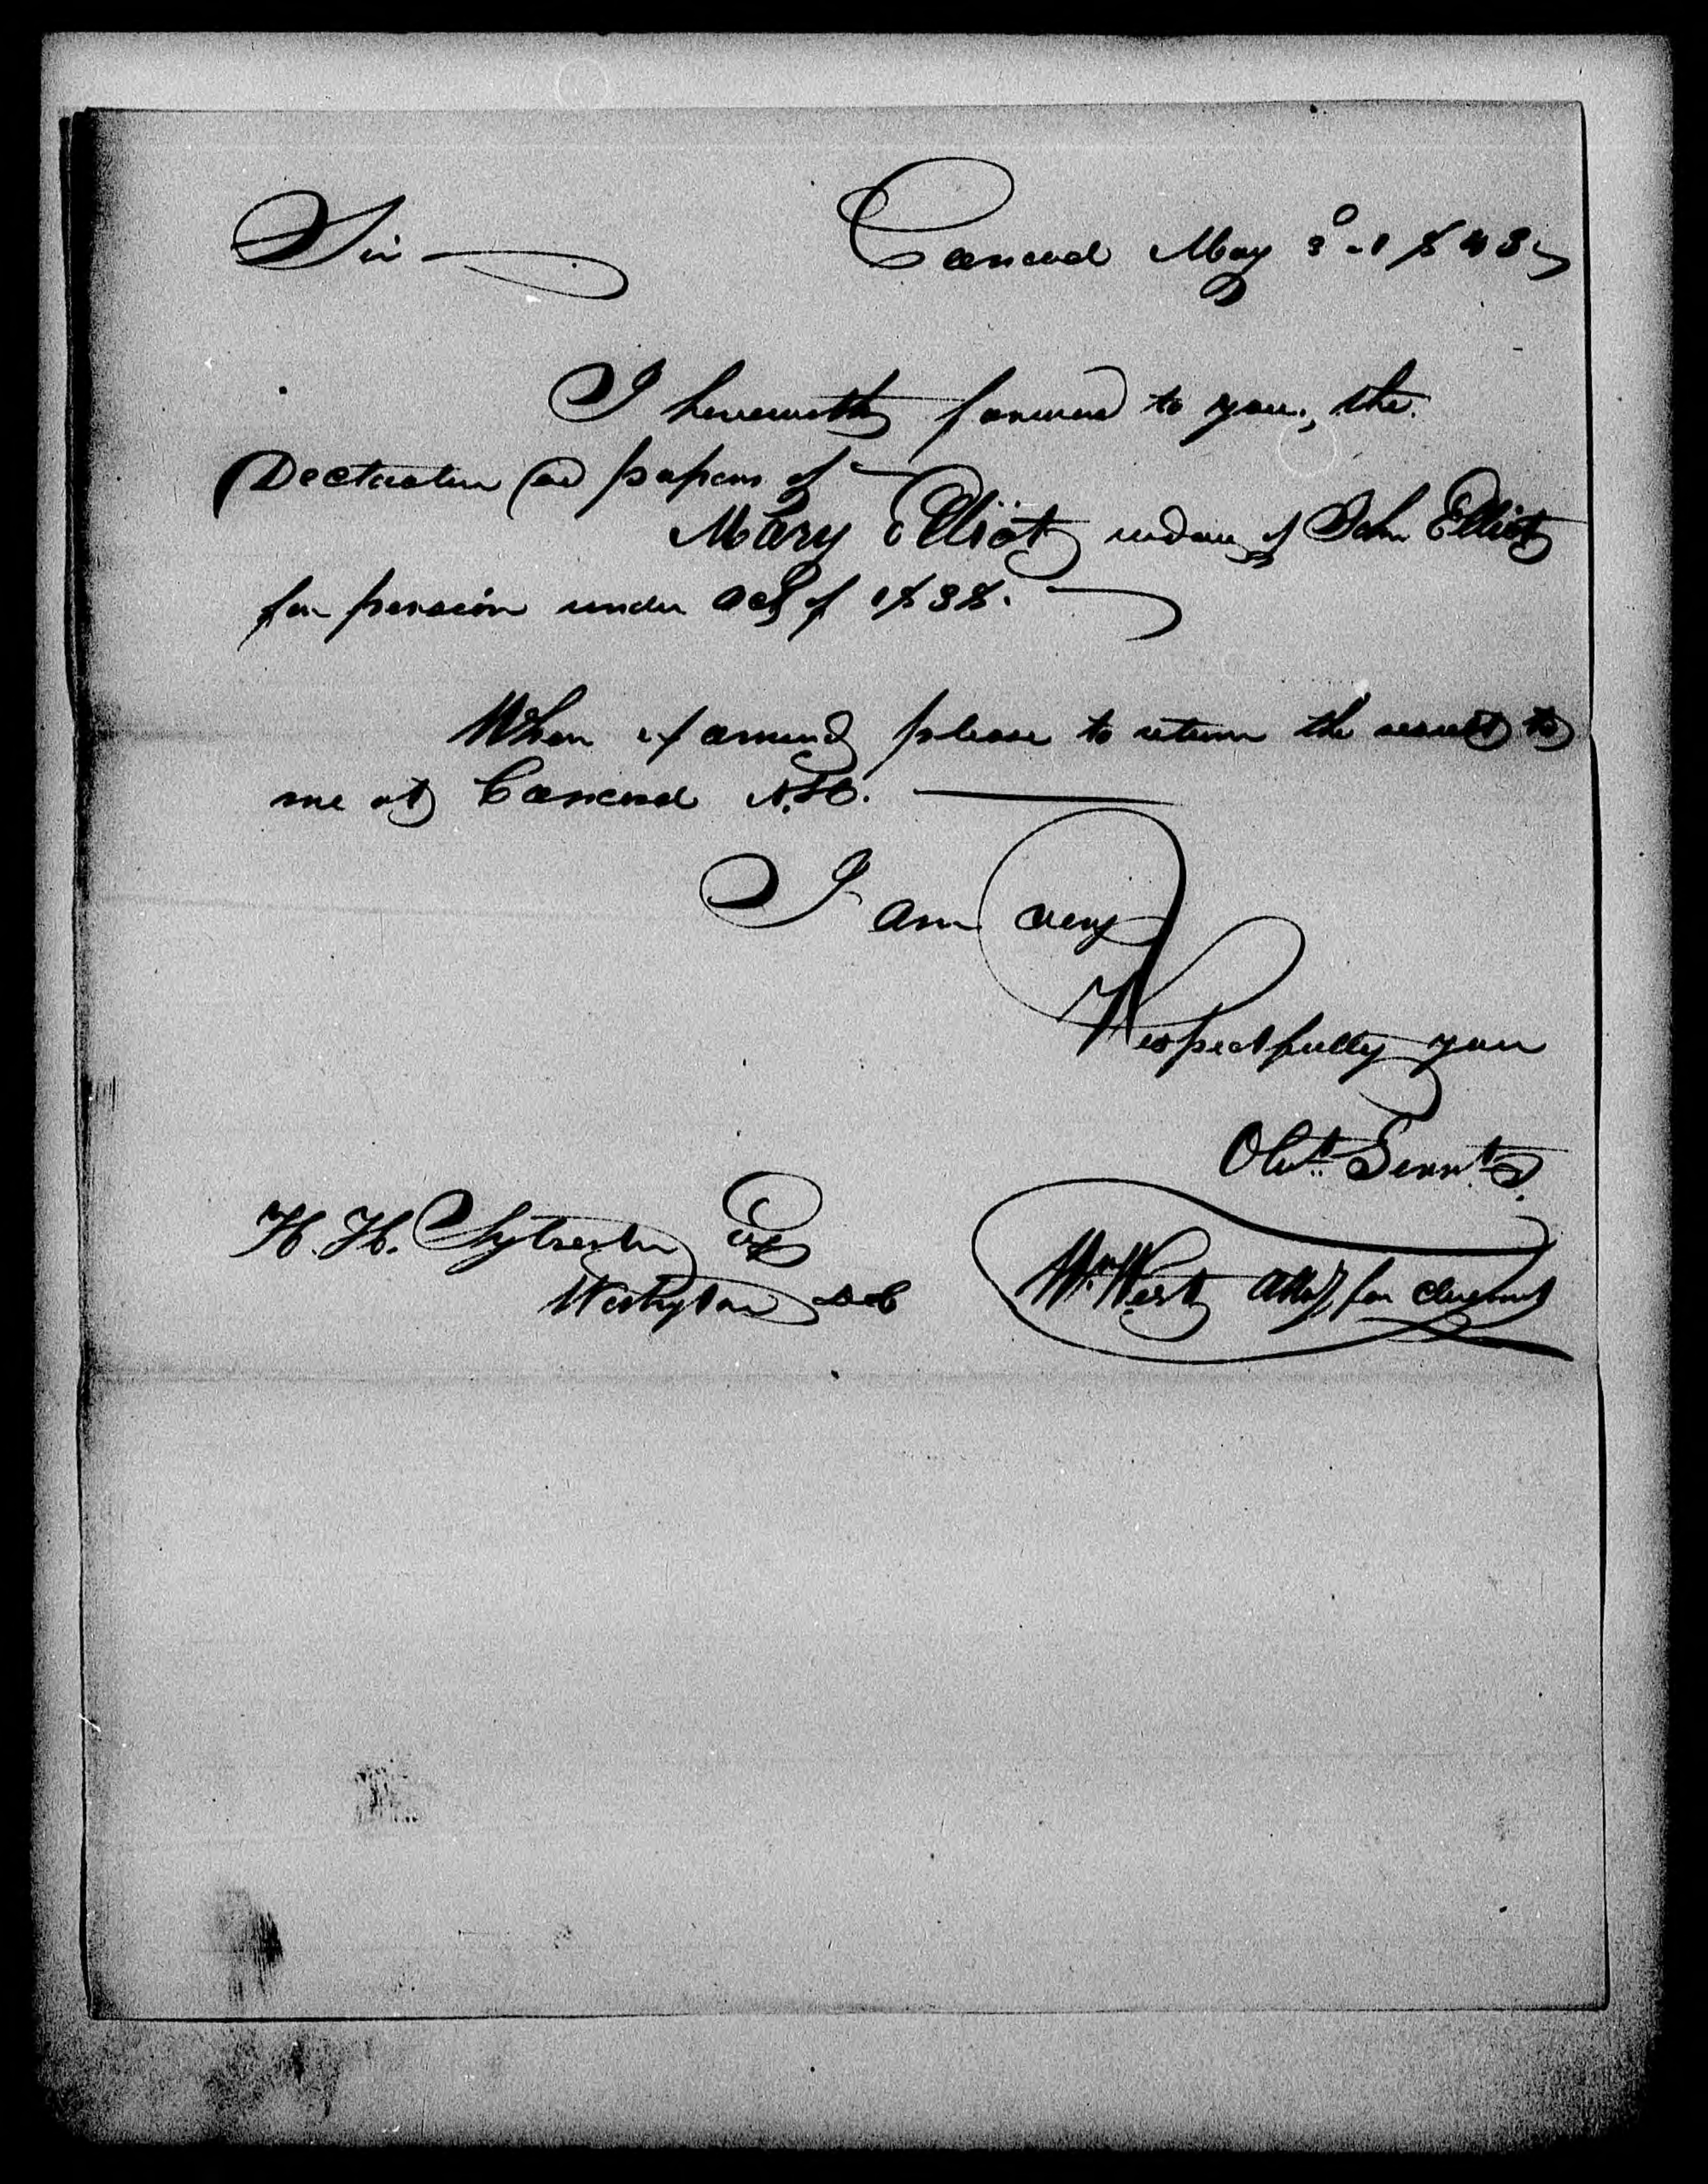Concord May 18 1 1848
Sir
I herewith forward to you the
Declaration and papers of Mary Elliot wildow of John Eliot 
for pension under act of 1838
-
When examined please to return the
me at Concord N.H.
-
I am very
Respectfully you
Obt Sent
W West Atty for his
H. H. Sylvester
Washington D C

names: Mary Elliot, H H Sylvester, John Elliot, Wm West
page: 32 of 57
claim: widow's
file: W. 16,114, John Elliot, Continental (Mass) N.H.